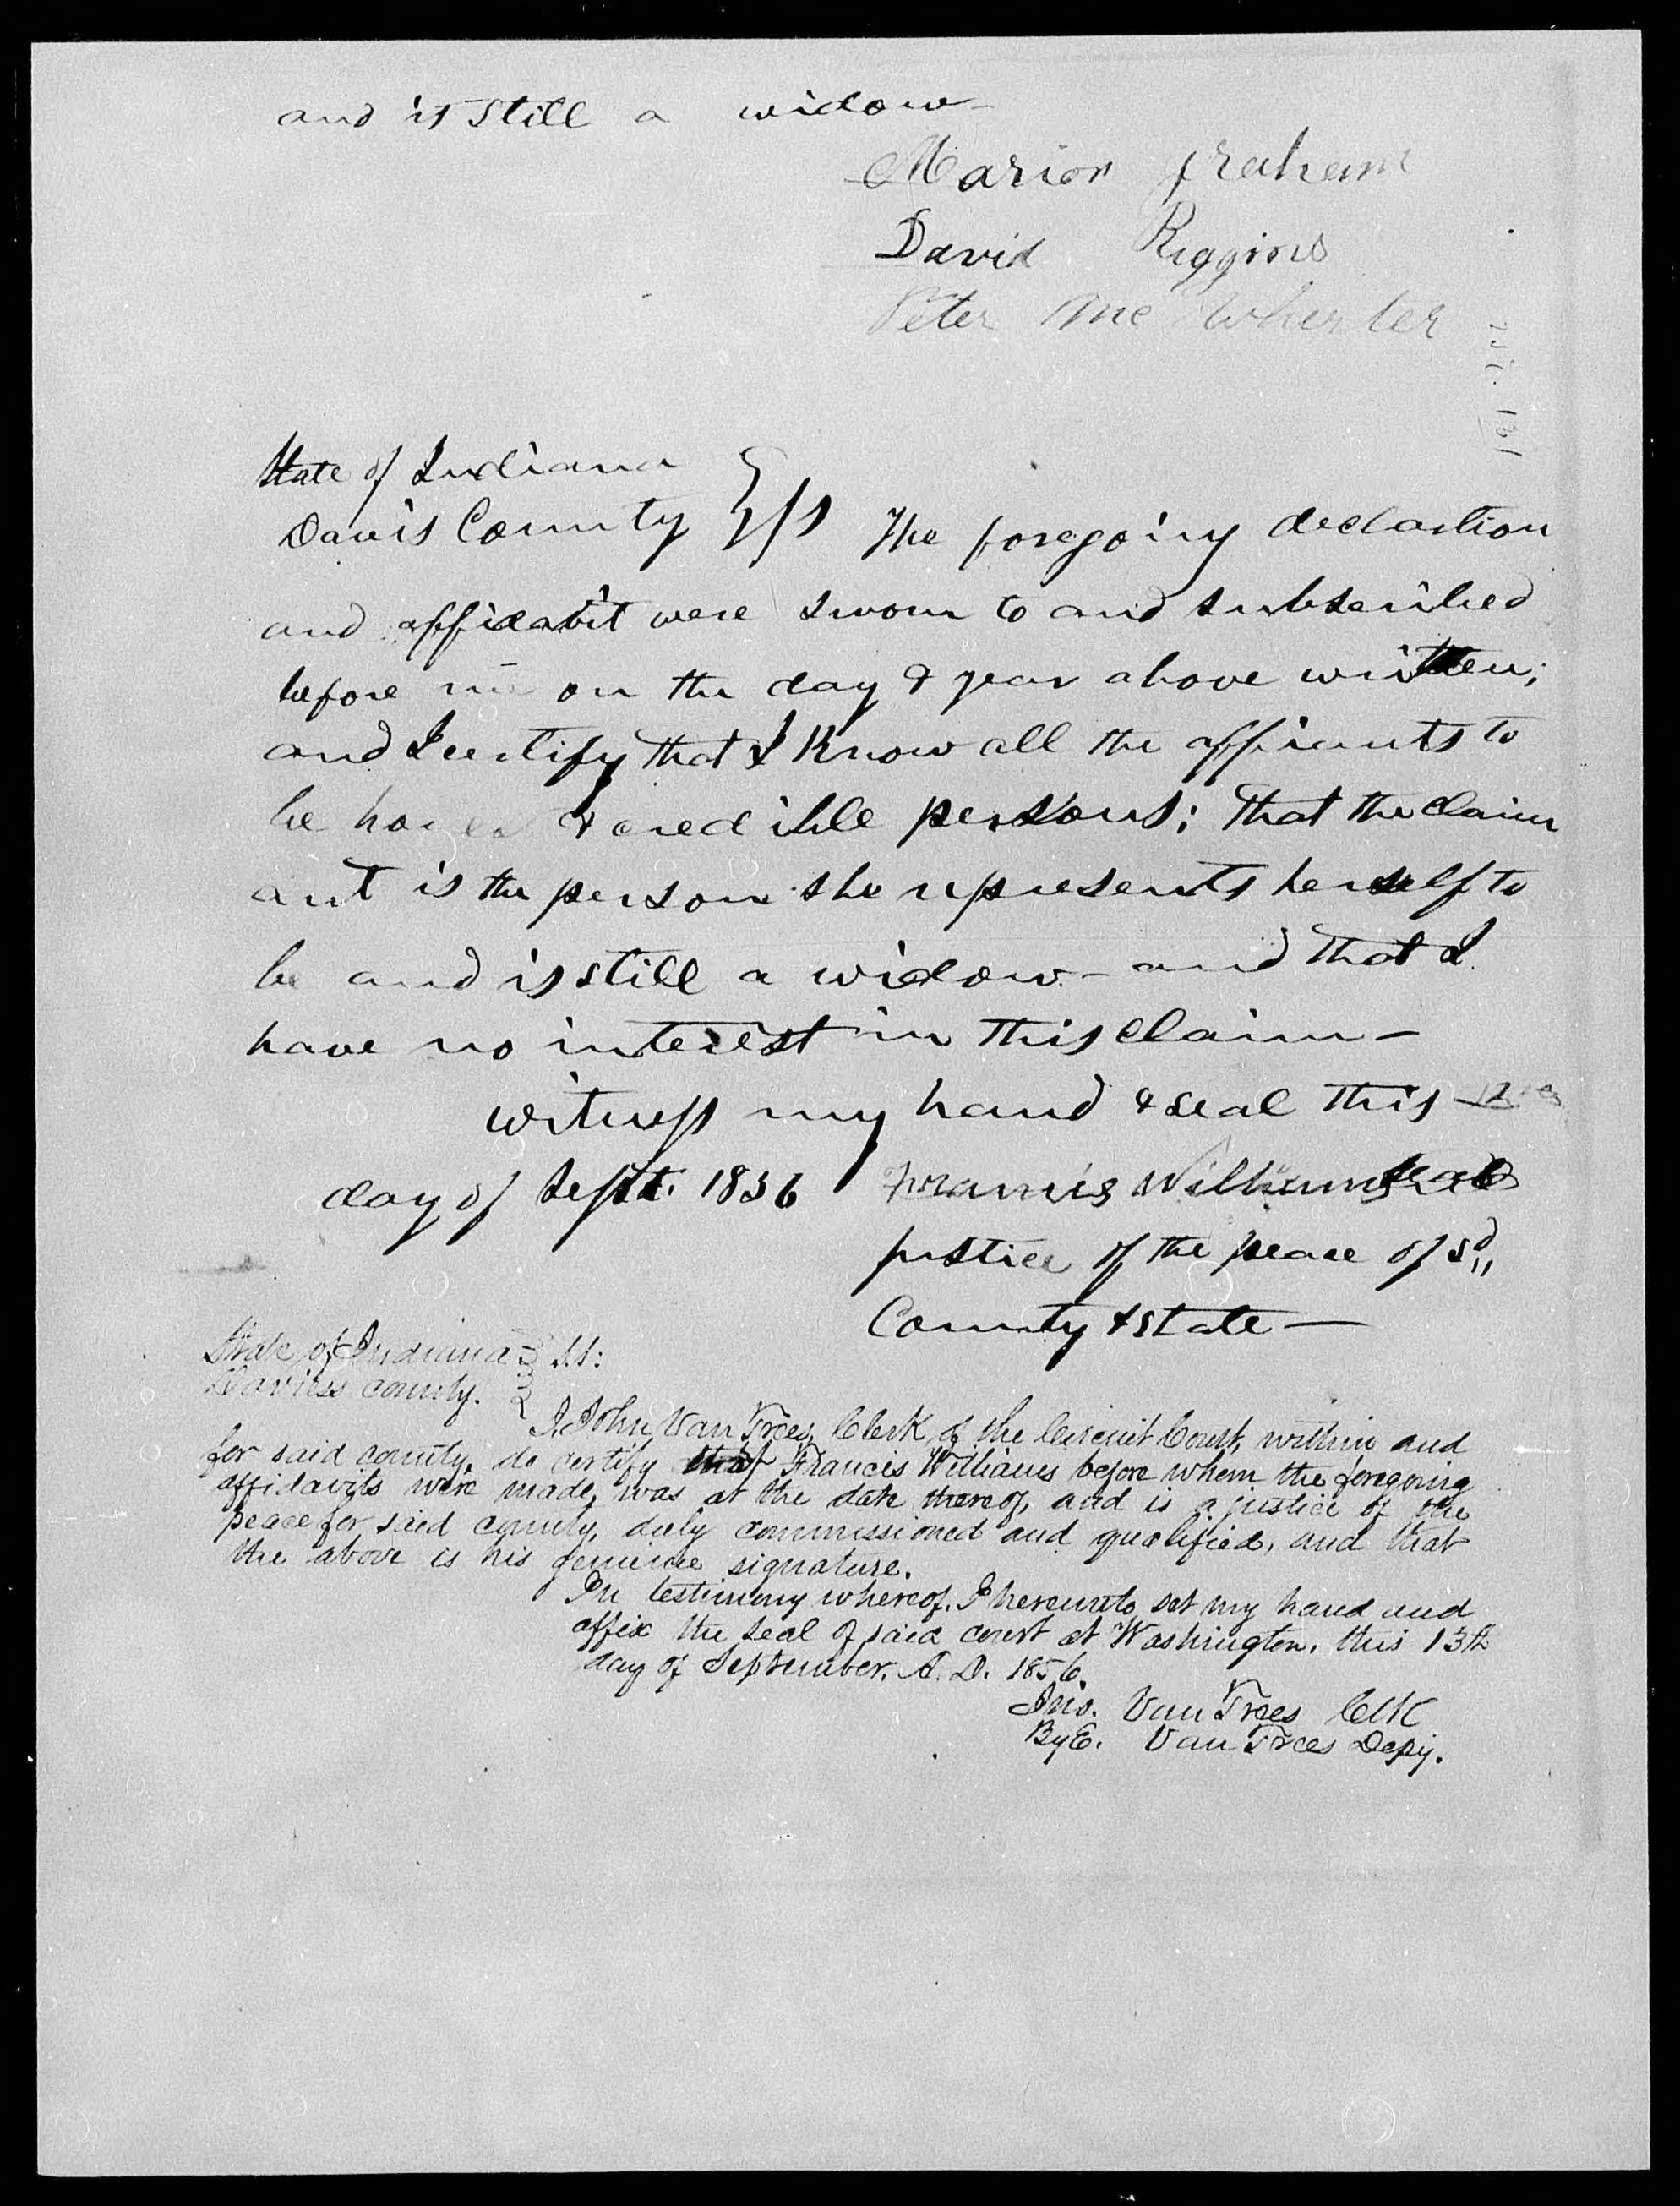and is still a widow
Marion Graham
David Riggins
Peter Mc Wherter
David
---
State of Indiana
Davis County ss
The foregoing declartion and affidavit were sworn to and subscribed before me on the day & year above written, and I certify that I know all afficants to be honest & credible persons; that the claimant is the person she represents herself to be and is still a widow and that I have no interest in this claim.
witness my hand & seal this 12th day of Sept. 1836
Francis William (seal)
Justice of the peace of sd. County & State

State of Indiana
Daviess county SS:
I John Van Trees, Clerk of the Circuit Court, within and for said county, do certify that Francis Williams before whom the foregoing affidavits were made, was at the date thereof, and is a justice of the Peace for said County, duly commissioned and qualified, and that the above is his genuine signature.
In testimony whereof, I hereunto set my hand and affix the seal of said Court at Washington, this 13th day of September, A.D. 1856.
Jno. Van Trees Clk
By E. Van Trees Depy.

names: Peter Mc Wherter; John Van Trees; E Van Trees; Marion Graham; David Riggins; Francis Williams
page: 59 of 115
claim: survivor's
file: S. 699, for Charles Kilgore, Virginia